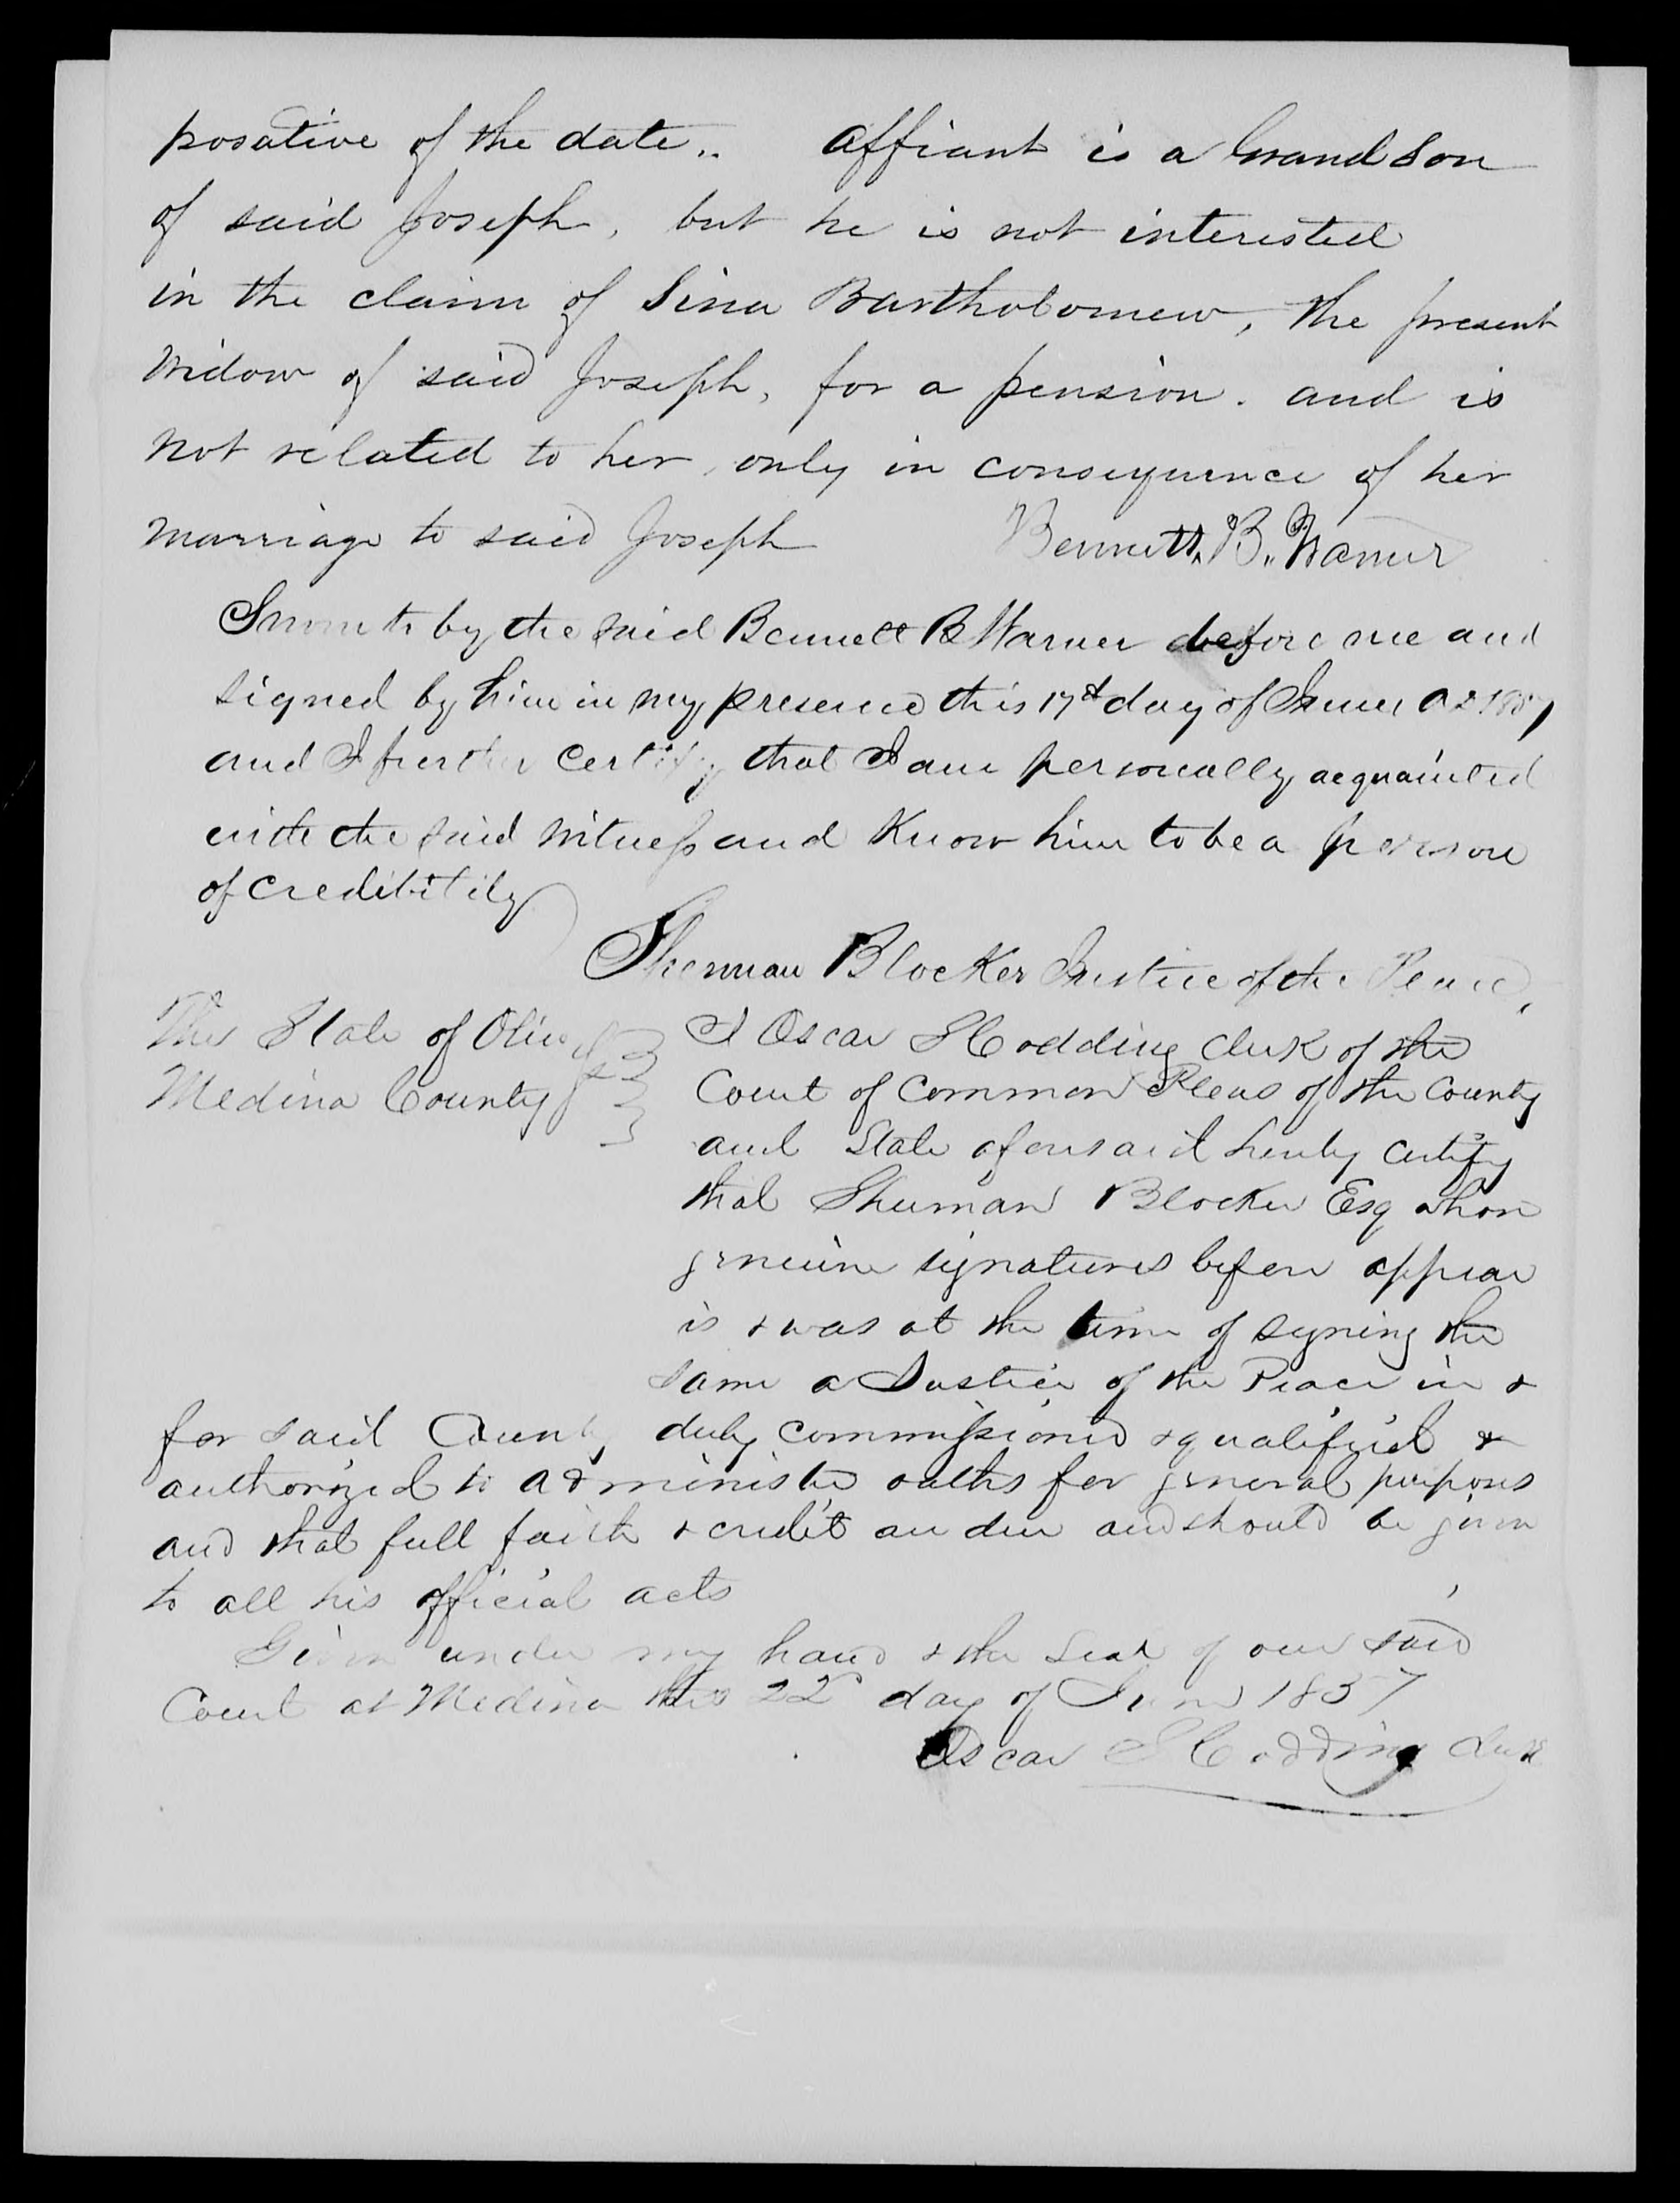positive of the date.  Affiant is a grandson
of said Joseph, but he is not interested
in the claim of Sina Bartholomew, the present
widow of said Joseph, for a pension, and is
not related to her, only in consequence of her
marriage to said Joseph

Bennett B. Warner [signature]

Sworn to by the said Bennett B Warner before me and Signed by him in my presence this 17th day of June AD 1857 and I further certify that I am personally acquainted with the said witness and know him to be a person of credibility.

Sherman Blocker Justice of the Peace [signature]

The State of Ohio }
Medina County ss}

I Oscar S. Codding Clerk of the Court of Common Pleas of the County and State aforesaid hereby certify that Sherman Blocker Esq whose genuine signatures before appear
is & was at the time of signing the same a Justice of the Peace in & for said County, duly commissioned & qualified & authorized to administer oaths for general purposes and that full faith & credit are due and should be given to all his official acts.

Given under my hand & the seal of our said
Court at Medina this 22nd day of June 1857
Oscar S. Codding Clerk [signature]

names: Joseph, Bennett B Warner, Jane, Oscar S Codding, Bennett B Warner, Oscar S Codding, Sherman Blocker, Joseph, Joseph, James, Sherman Blocker, Sina Bartholomew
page: 33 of 76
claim: widow's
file: W. 9345, Joseph Bartholomew, Conn.